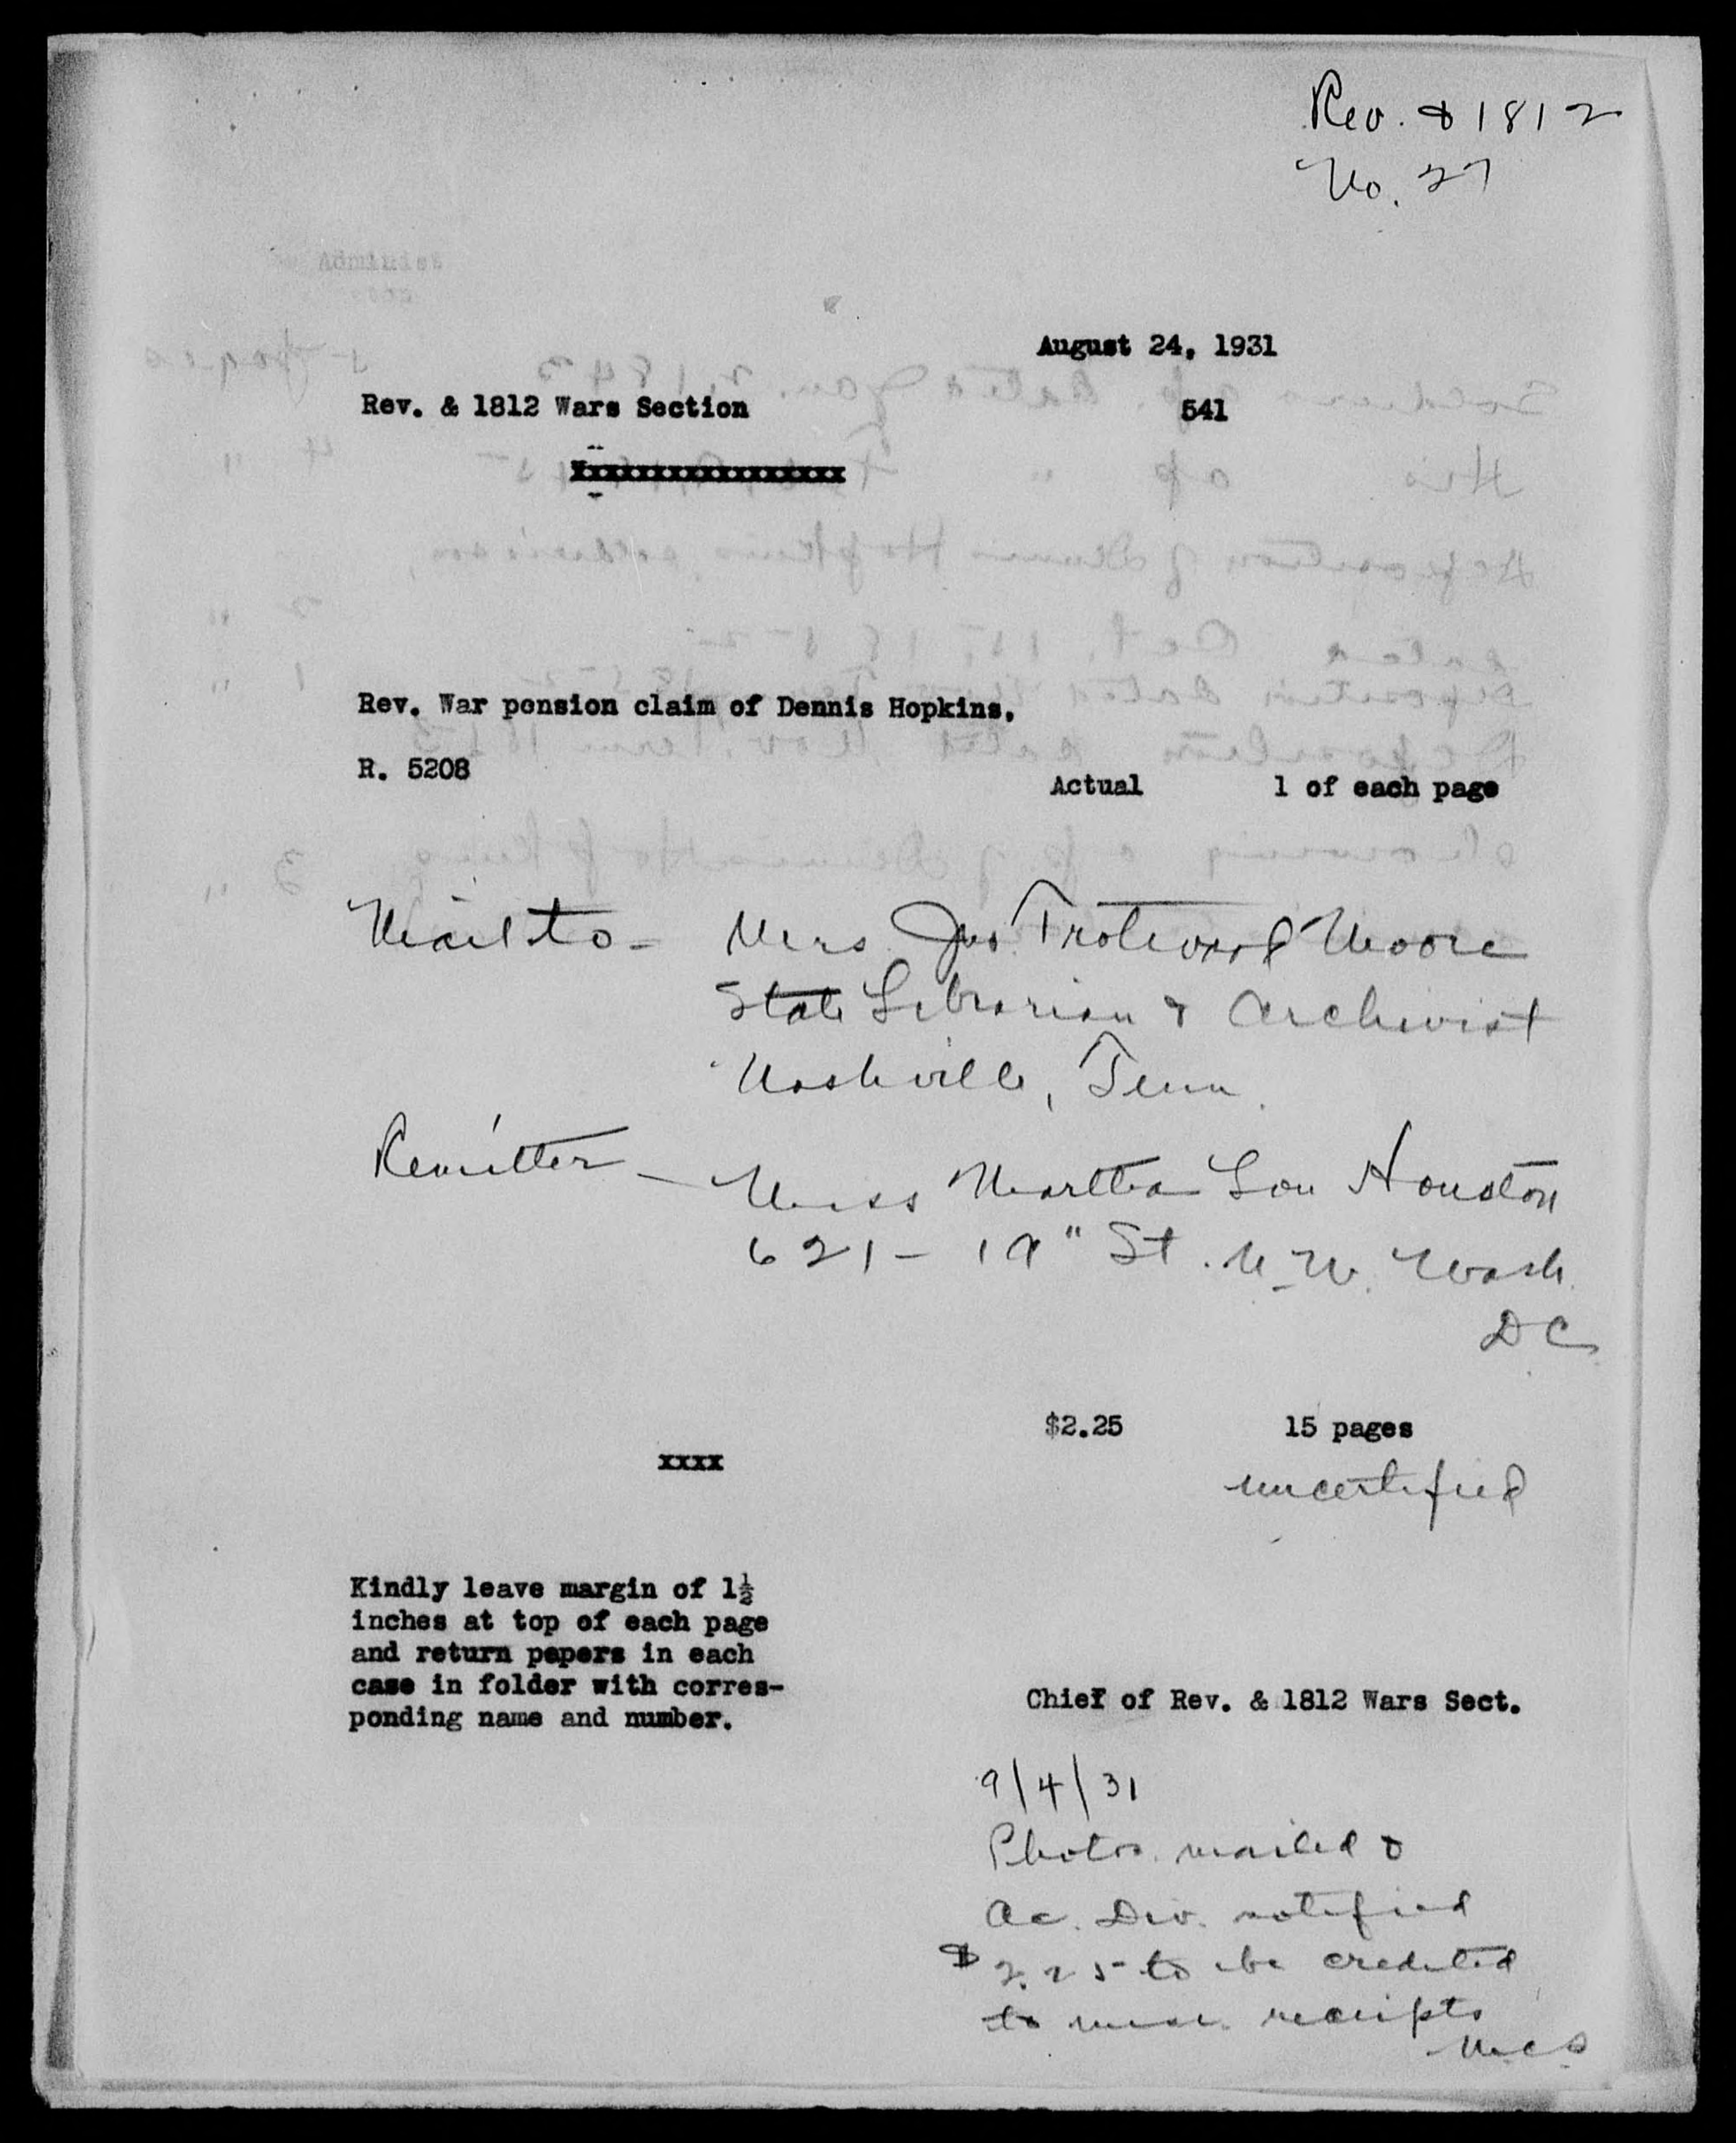[Handwritten] Rev. & 1812
No.27

Rev. & 1812 Wars Section August 24, 1931
xxxxxxxxxxxxxxxxxxx 541

Rev. War pension of Dennis Hopkins,
R. 5208 Actual 1 of each page

[Handwritten] 
Mail to- Mrs. John Trotwood Moore
State Librarian & Archivist
Nashville, Tenn.

Remitter
Miss Martha Lou Houston
621- 19" St. N.W. Wash DC

xxxx $2.25 15 pages [Handwritten] uncertified

Chief of Rev. & 1812 Wars Sect.

Kindly leave margin of 1½ inches at top of each page and return papers in each case in folder with corresponding name and number

[Handwritten] 9/4/31
Photos mailed to ac. Div. notified $2.25 to be credited to (?) receipts (?)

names: Dennis Hopkins, Martha Lou Houston, Jno Trotwood Moore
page: 57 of 144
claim: rejected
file: R. 5208, Dennis Hopkins, N.C.